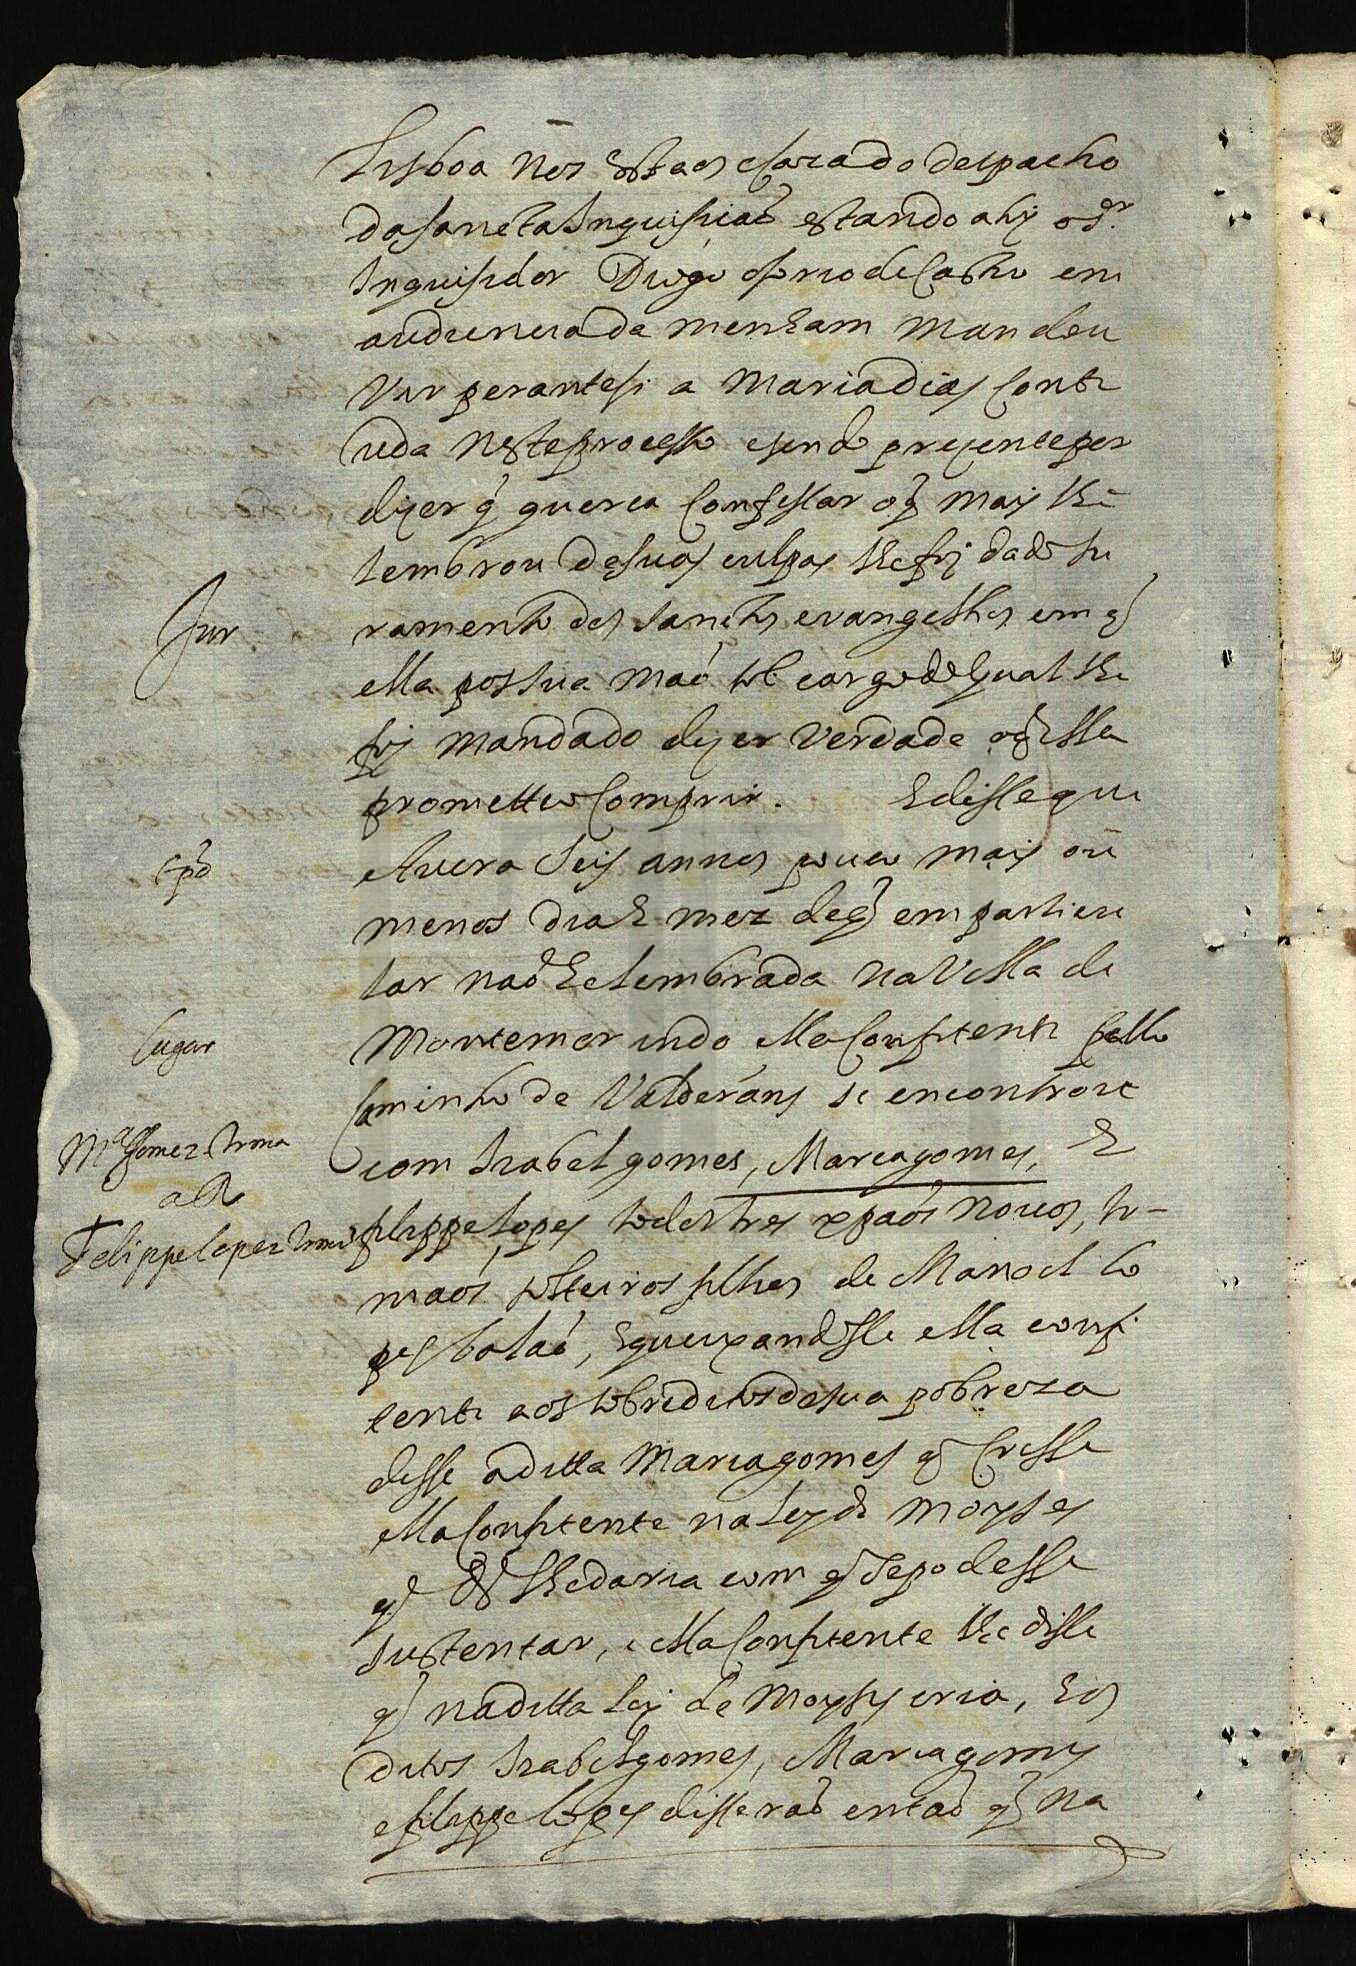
Lisboa nos Estaos e Caza do despacho
da sancta Inquisiçaõ estando ahy o sor.
Inquisidor Diogo osorio de Castro em
audiencia da menham mandou
vir perante si a maria dias Conti
uda neste processo e sendo prezente por
dizer q̄ queria Confessar o q̄ mais lhe
lembrou de suas culpas lhe foj dado Iu
ramento dos sanctos evangelhos em q̄
Jur
ella pos sua maõ sob cargo do qual lhe
foj mandado dizer verdade o q̄ ella
prometteo Comprir. E disse que
Auera seis annos pouco mais ou
tpō
menos dia E mez de q̄ em particu
lar naõ he lembrada na villa de
Montemor indo ella Confitente pello
lugar
Caminho de Val de rāns se encontrou
Ma Gomez Irma
com Izabel gomes, Maria gomes, E
a R
Felippe lopez Irmaõ
filippe lopes todos tres xpaõs nouos, Ir
maõs solteiros filhos de Manoel lo
pes balaõ, E queixandosse ella confi
tente aos sobreditos de sua pobreza
disse a ditta Maria gomes q̄ Cresse
ella Confitente na ley de moyses
q̄ ds̄ lhe daria com q̄ se podesse
sustentar, e ella Confitente lhe disse
q̄ na ditta ley de Moyses cria, E os
ditos Izabel gomes, Maria gomes
e filippe lopes disseraõ entaõ q̄ na
